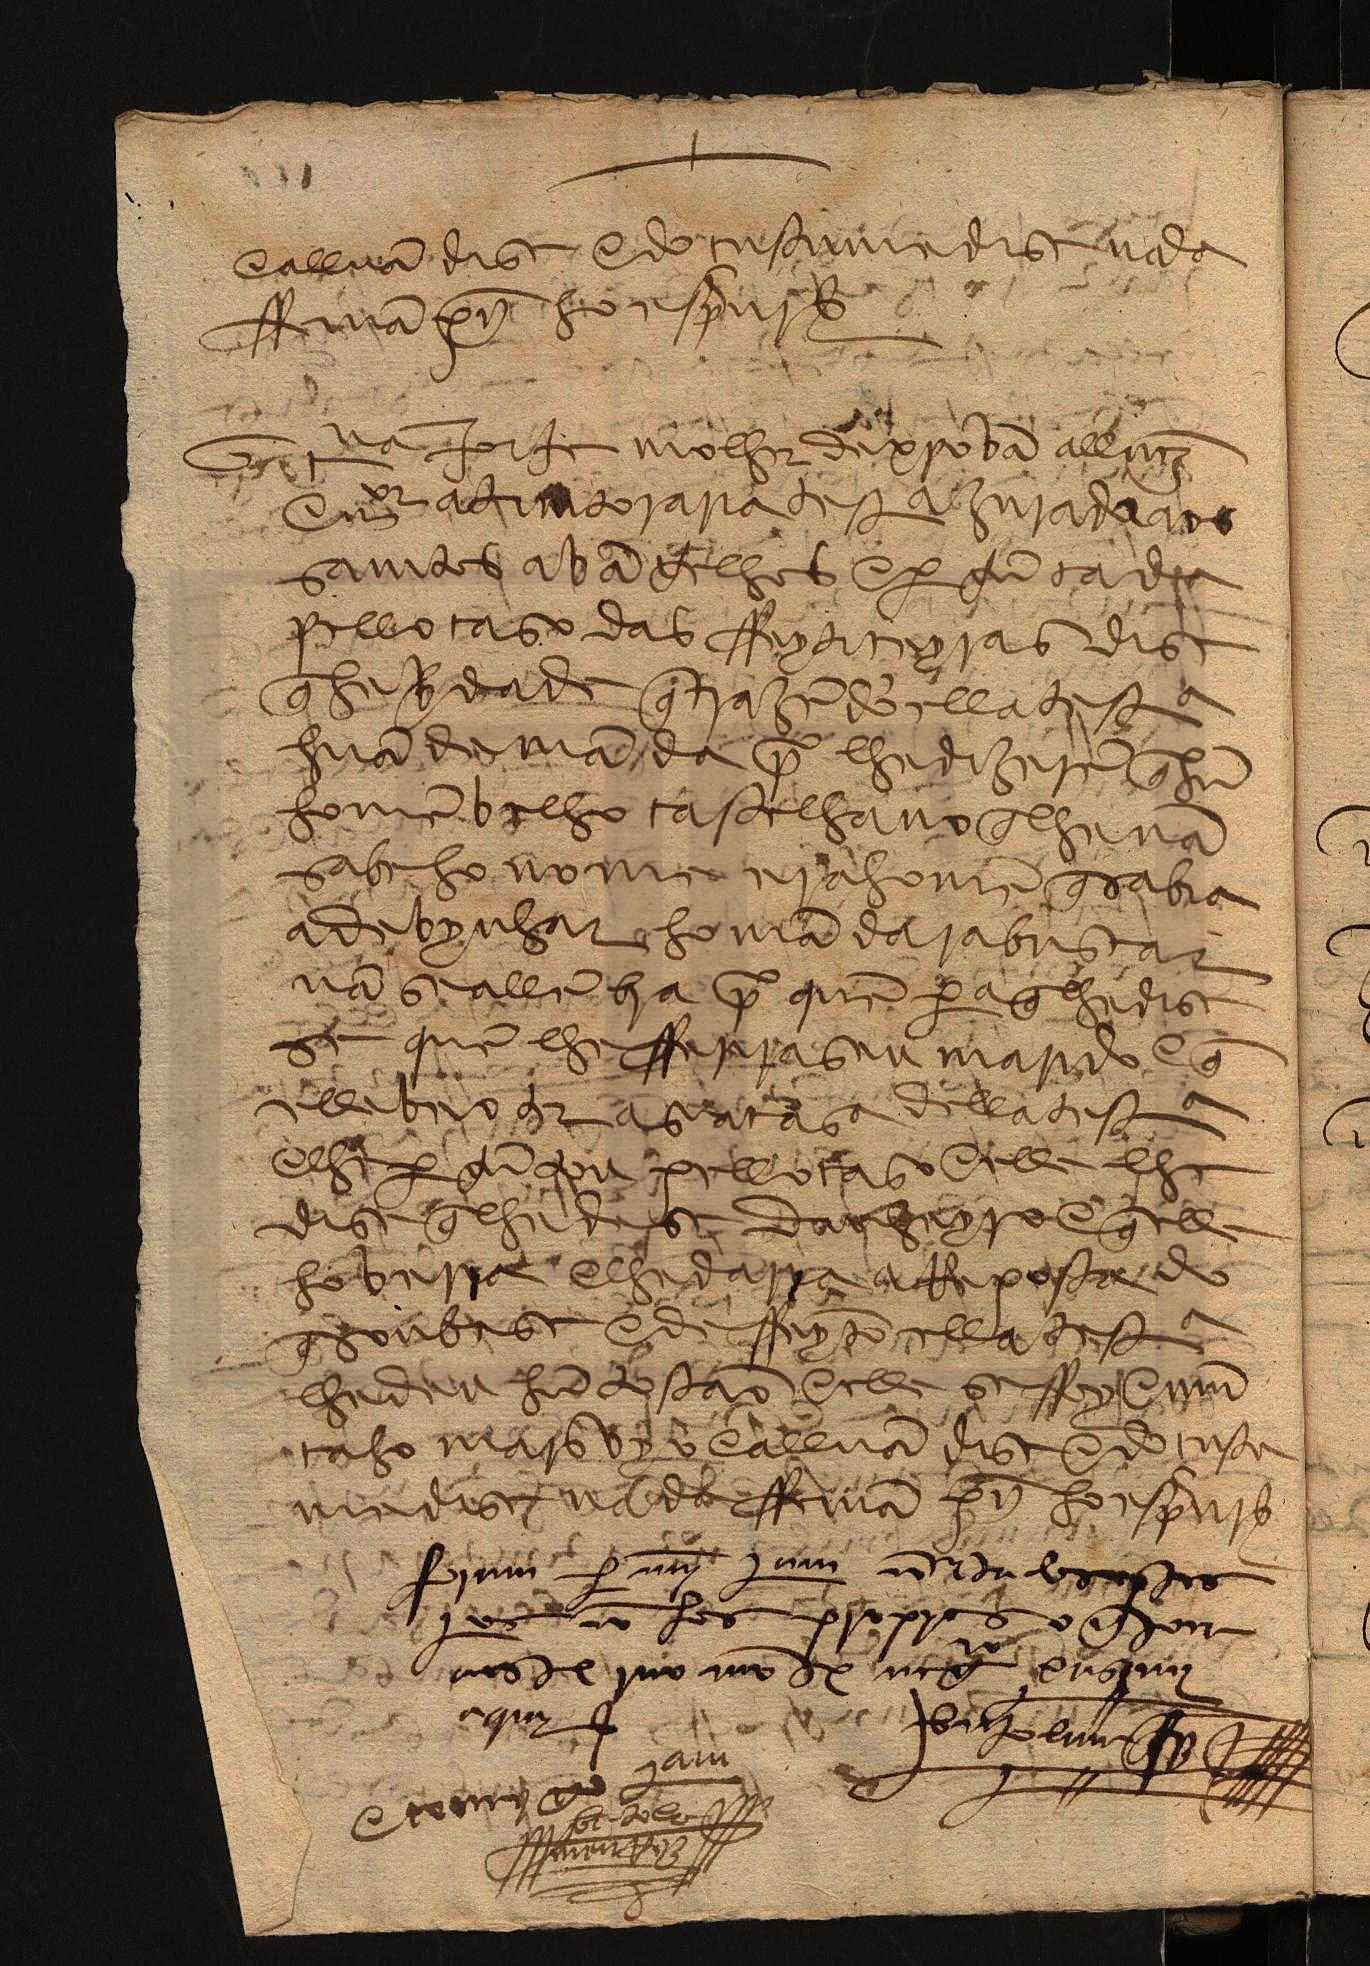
e all nā dise e do custume dise nada
ffernā p̄iz ho esp̄uj
item cna JorJe molher de xpovā alluēz
e mor a timtoraria testa Jurada aos
samtos avāgelhos e ꝑgūtada
pello caso das ffeyticeyras dise
q̄ he ꝟdade q̄ trazēdo ella testa
huā demāda p̄o lhe dizerē q̄ hū
homē velho castelhano q̄ lhe nā
sabe o nome era homē q̄ sabia
adevynhar ho mādara buscar
nā se allēbra p̄o quē ꝑa q̄ lhe dise
se quē lhe fferira seu marido e q̄
elle veo ter a sua casa dela testa
e lhe ꝑgūtou pello caso e elle lhe
dise q̄ lhe dese dinheyro e q̄ elle
ho veria e lhe daria a Reposta do
q̄ soubese e de ffeyto ella testa
he deu hū tostão e elle se ffoy e nū
ca ho majs vyo e all nā dise e do custu
me dise nada ffernā p̄iz ho esp̄uj
foram ꝑ m̄y tam cōcertados estes
tos c̄o hos propyos o q̄ toca
a este reo mōtenegro e asiney
aquy
bertolameu fr̄z
e comygo tam
bertola
meu Roiz
